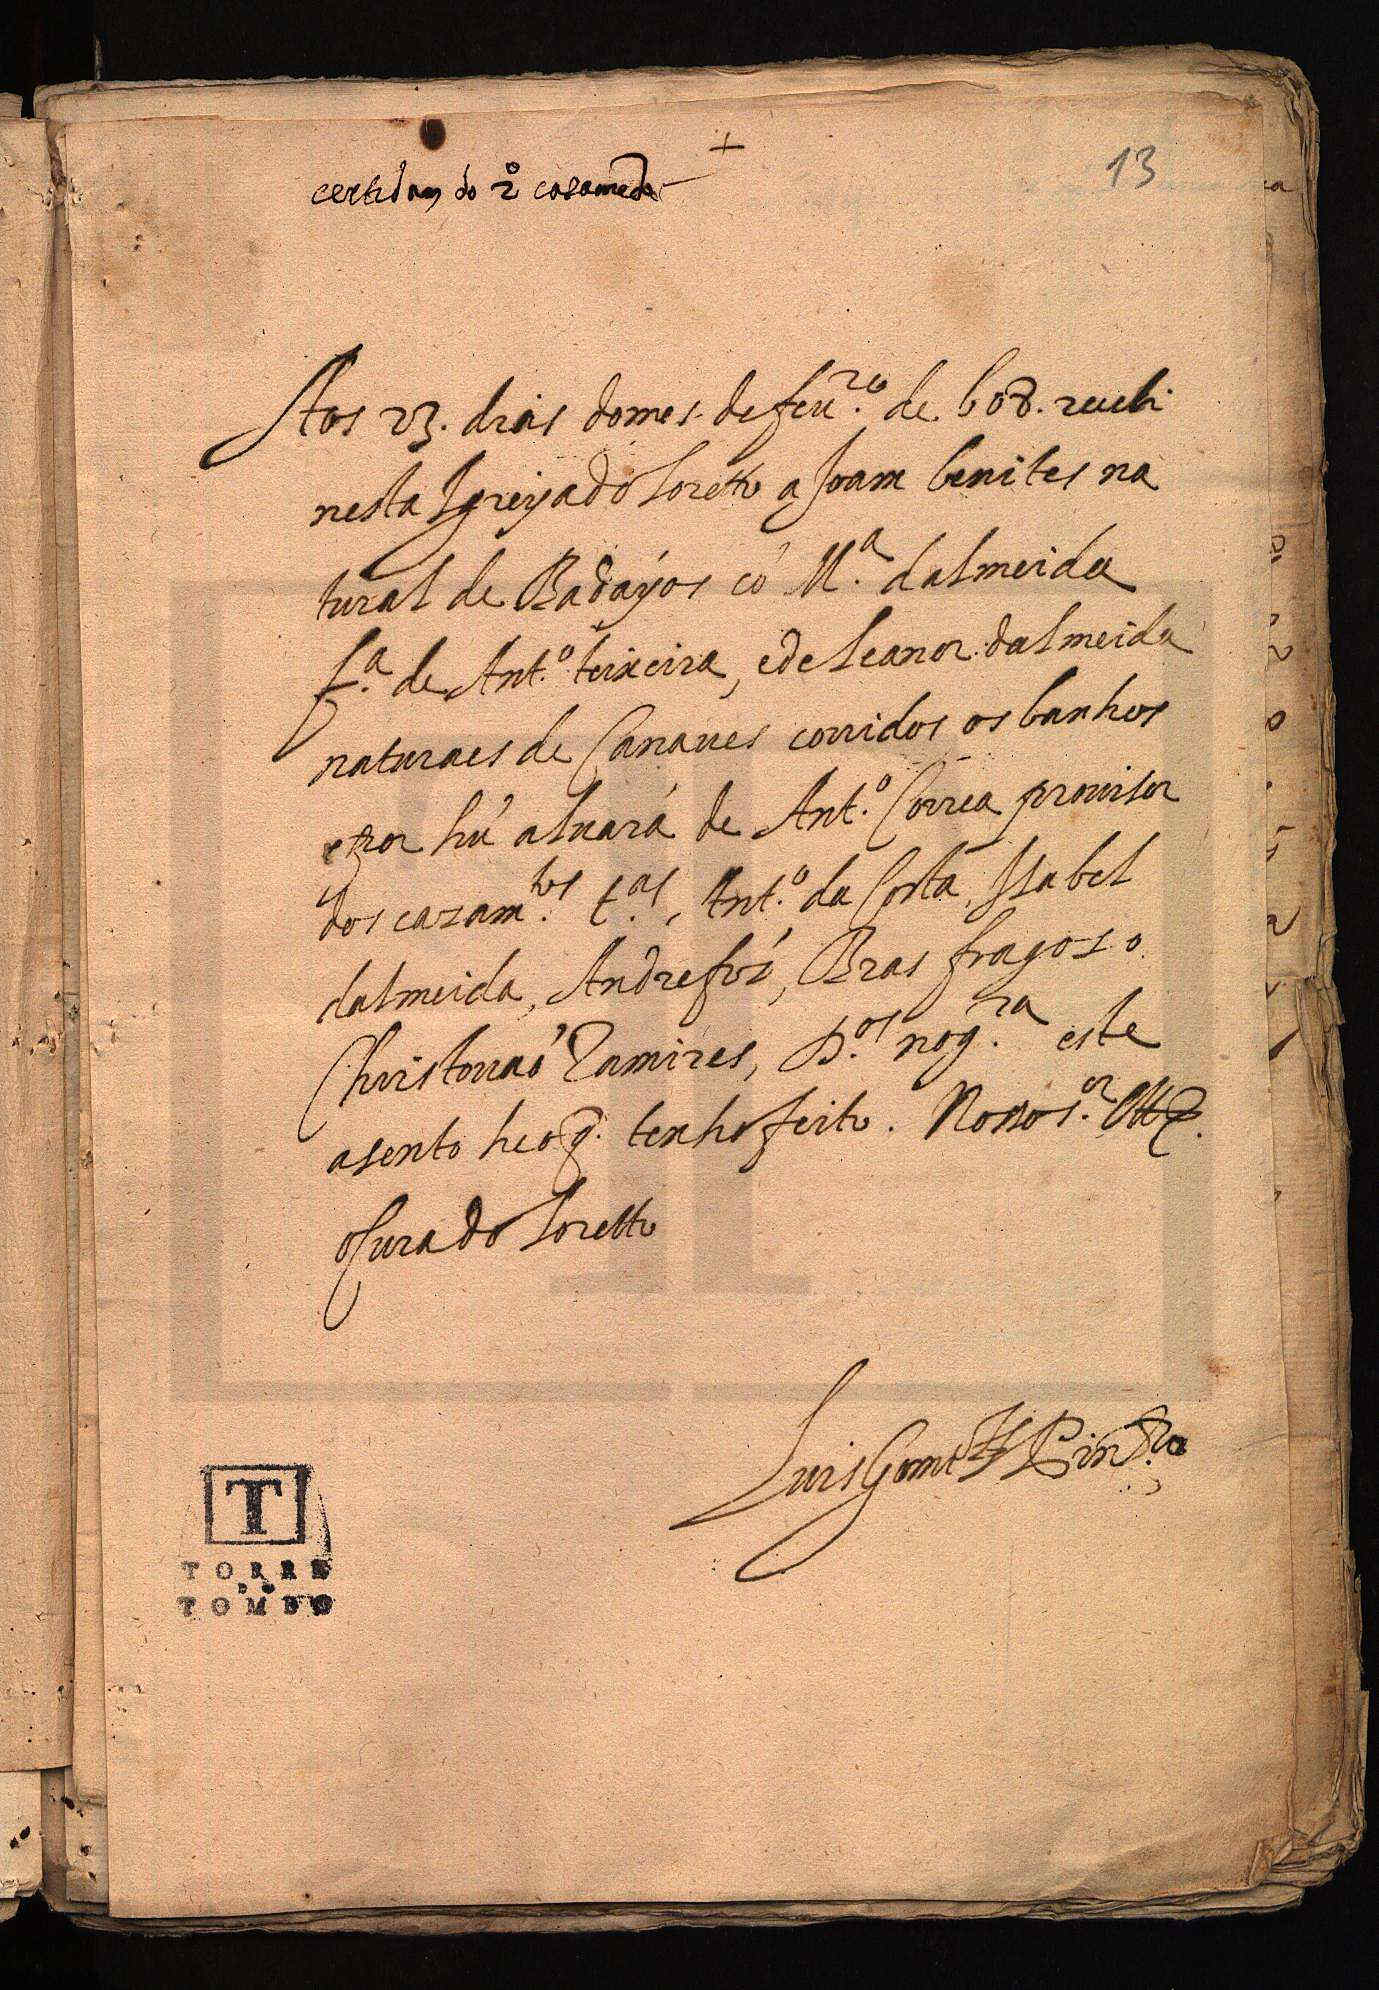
certidam do 2o casamēto
Aos 23. dias do mes. de feu.ro de 608. recebi
nesta Igreja do Loretto a Joam benites na
tural de Badayoz cō M.a dalmeida
f.a de Ant.o teixeira, e de leanor dalmeida
naturaes de Canaues corridos os banhos
e por hū aluará de Ant.o Correa prouisor
dos cazam.tos t.as, Ant.o da Costa, Jzabel
dalmeida, Andre frz̄, Bras fragozo
Christouaõ Ramires, D.os nog.ra este
asento he o q̄ tenho feito. Nosso s.or ettcꝭ.
o Cura do Loretto
Luis Gomclz Pinh.ro
